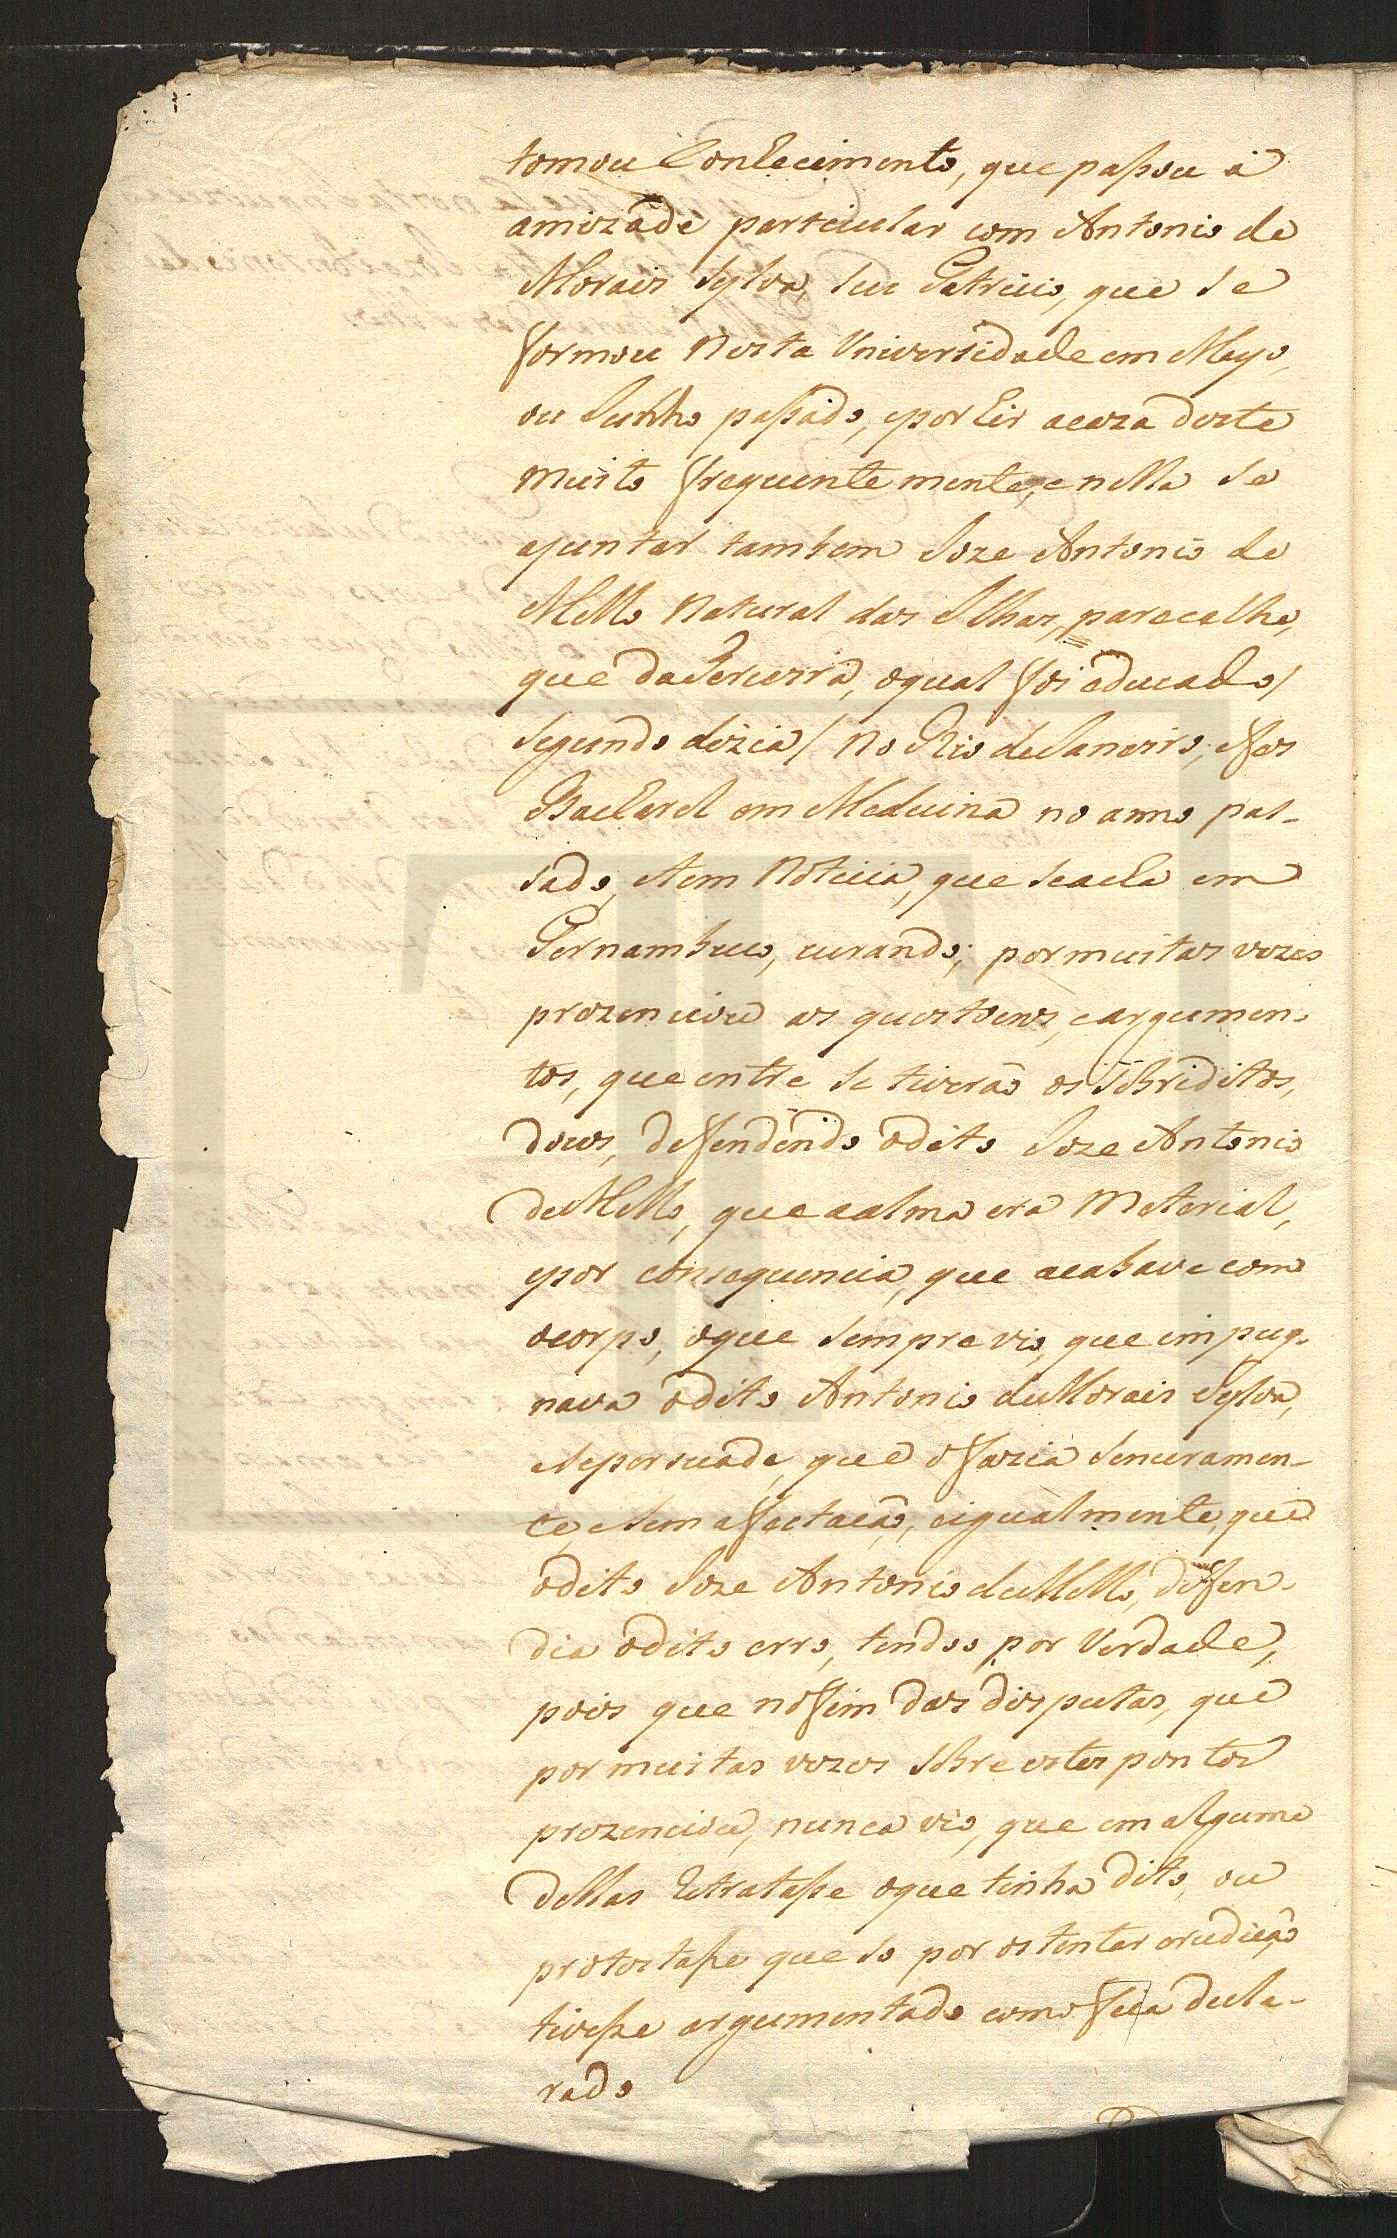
tomou Conhecimento, que passou a
amizade particular com Antonio de
Morais Sylva, seu Patricio, que se
formou nesta Universidade em Mayo,
ou Iulho passado, e por hir a caza deste
muito frequentemente, e nella se
ajuntar tambem Ioze Antonio de
Mello natural das Ilhas, parecelhe,
que da Terceira, o qual foi educado/
segundo dizia / no Rio de Ianeiro, e foi
Bacharel em Medicina no anno pas
sado, e tem noticia, que se acha em
Pernambuco, curando; por muitas vezes
prezenciou as questoens e argumen
tos, que entre si tiveraõ os sobridittos,
dous, defendendo o dito Ioze Antonio
de Mello, que a alma era material,
e por consequencia, que acabava com
o corpo, o que sempre vio, que impug
nava o dito Antonio de Morais Sylva,
e se persuade, que o fazia senceramen
te, e sem afectação, e igualmente, que
o ditto Ioze Antonio de Mello defen
dia o dito erro, tendoo por Verdade,
pois que no fim das disputas, que
por muitas vezes sobre estes pontos
prezenciou, nunca vio, que em alguma
dellas Retratasse o que tinha dito, ou
protestasse que so por ostentar erudiçaõ
tivesse argumentado como fica decla
rado
